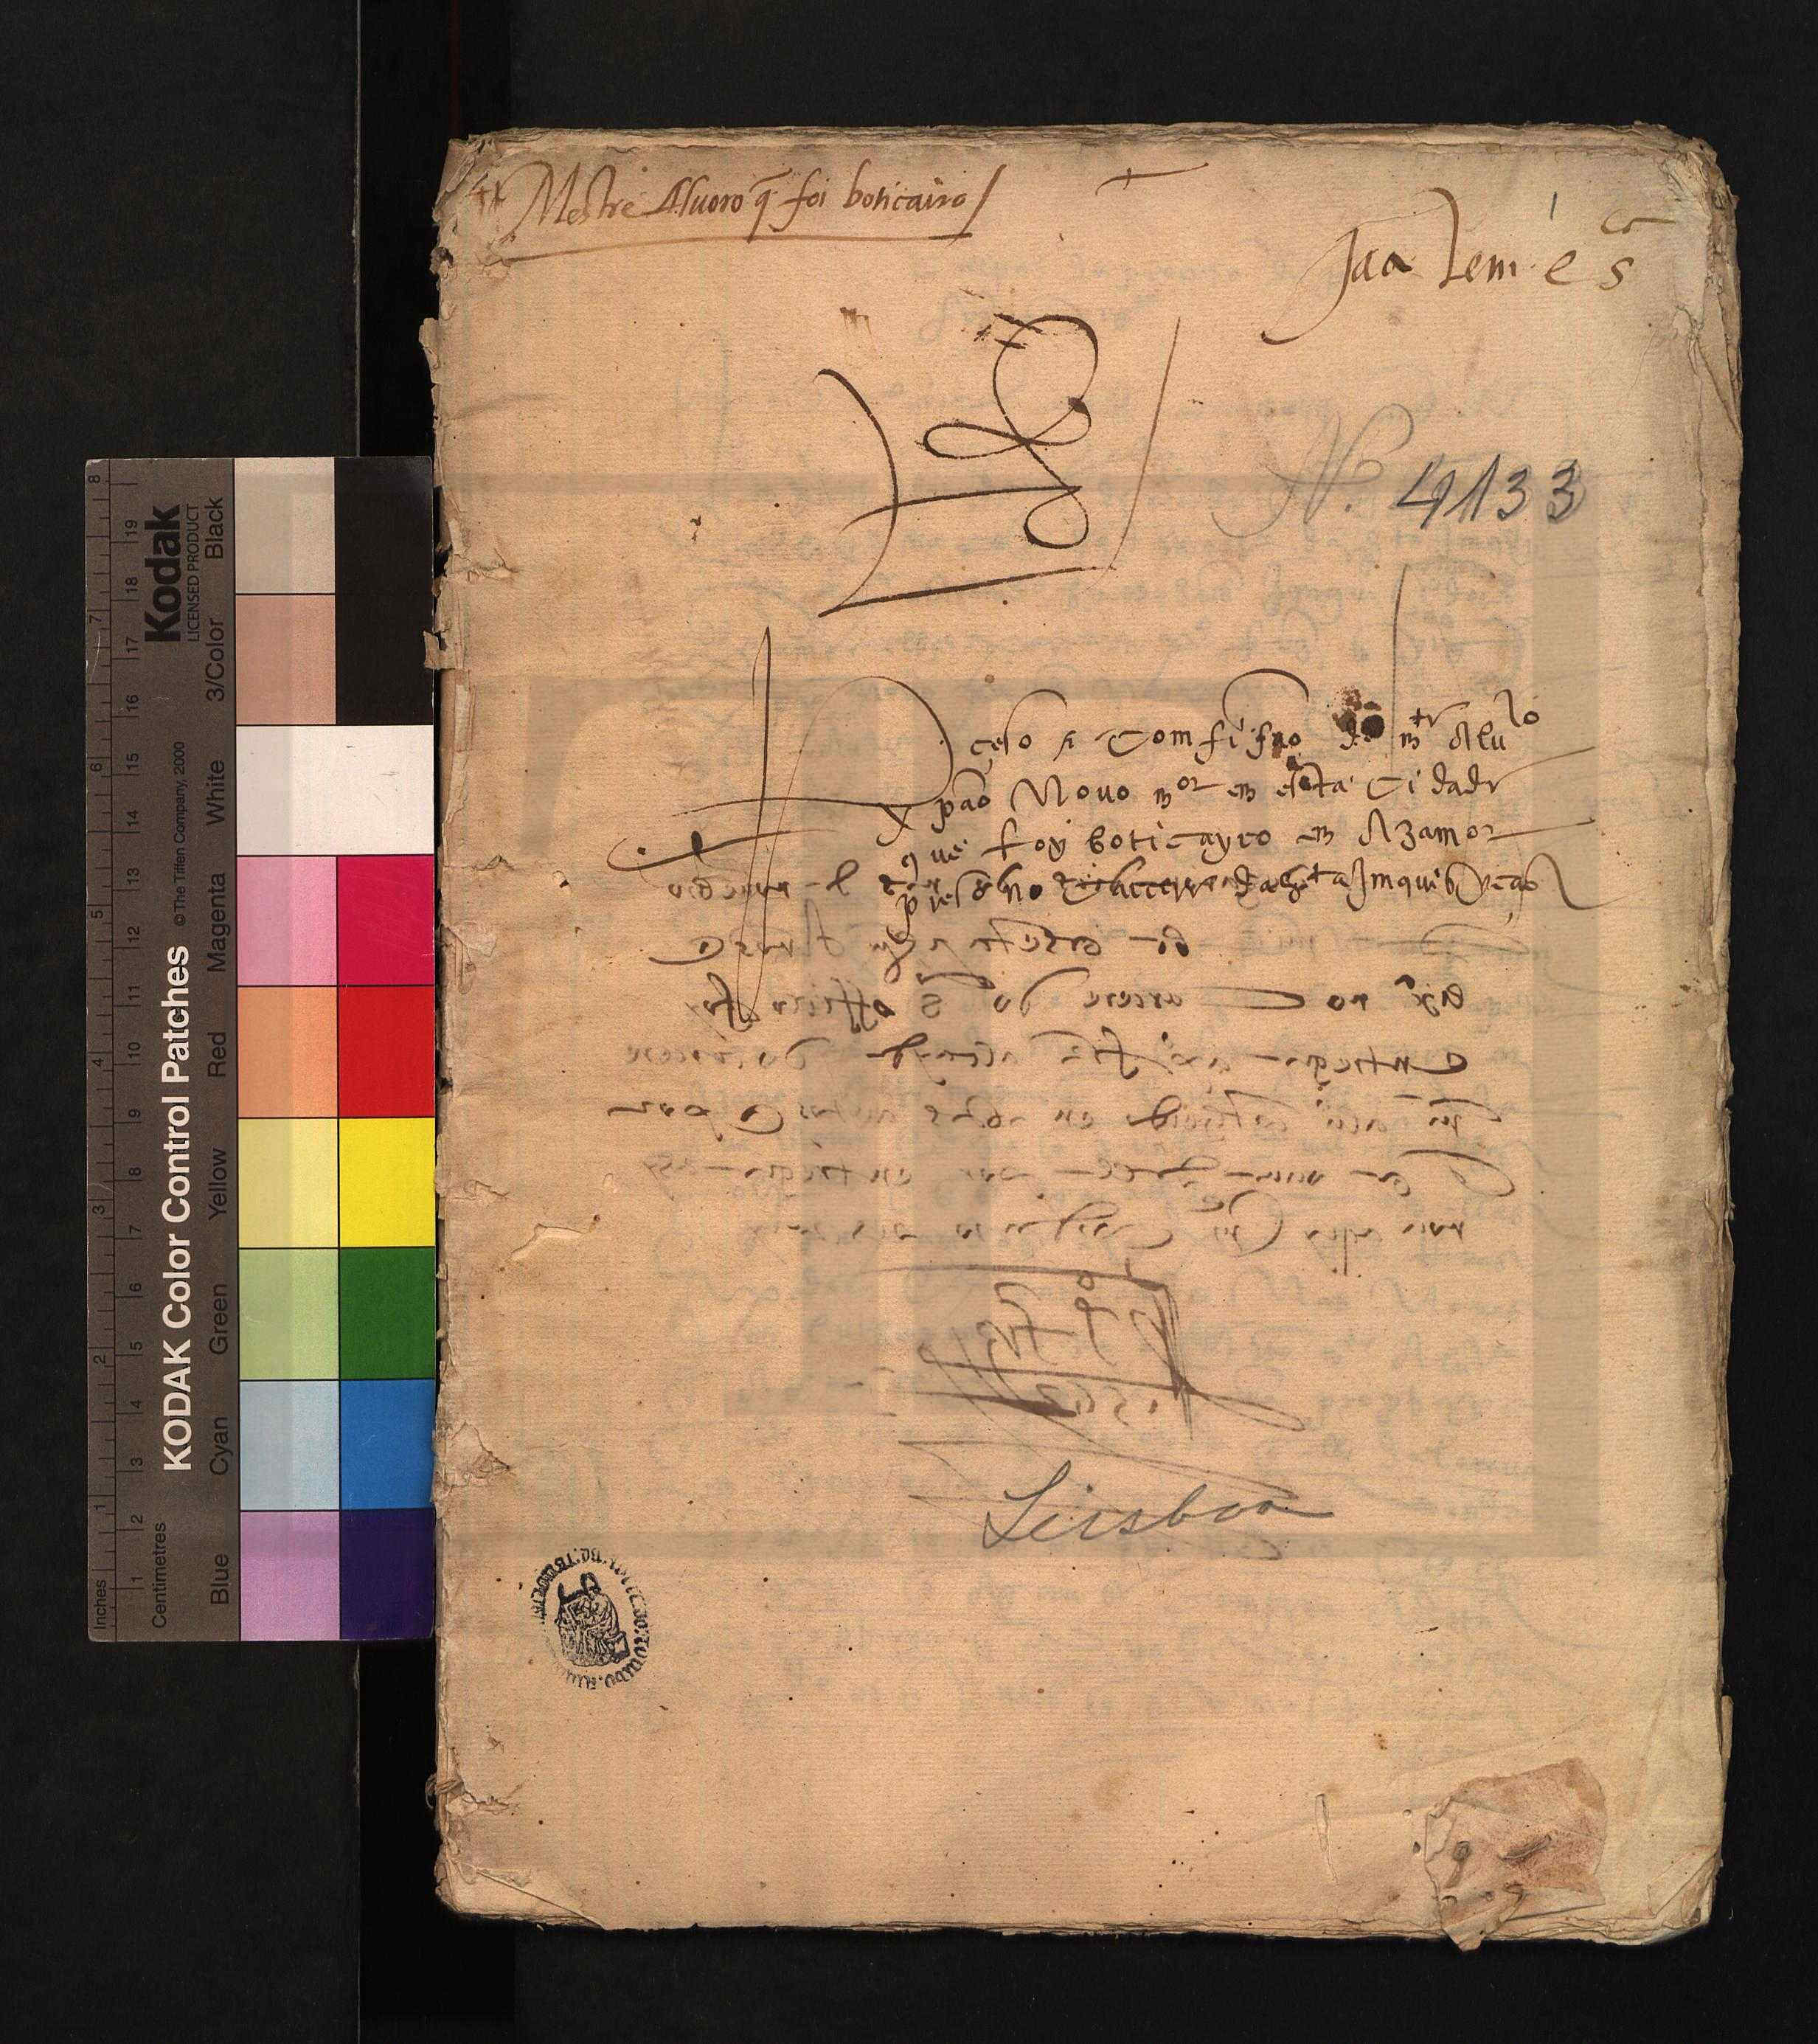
Mestre Aluoro q̄ foi boticairo /
Jaa Lem. e sça
Ꝓceso e Comfisão de mte Aluro
Xpão Nouo mor em esta Cidade
que foy boticayro em Azamor
preso no Carcere da Sta Jmquisyçaõ
